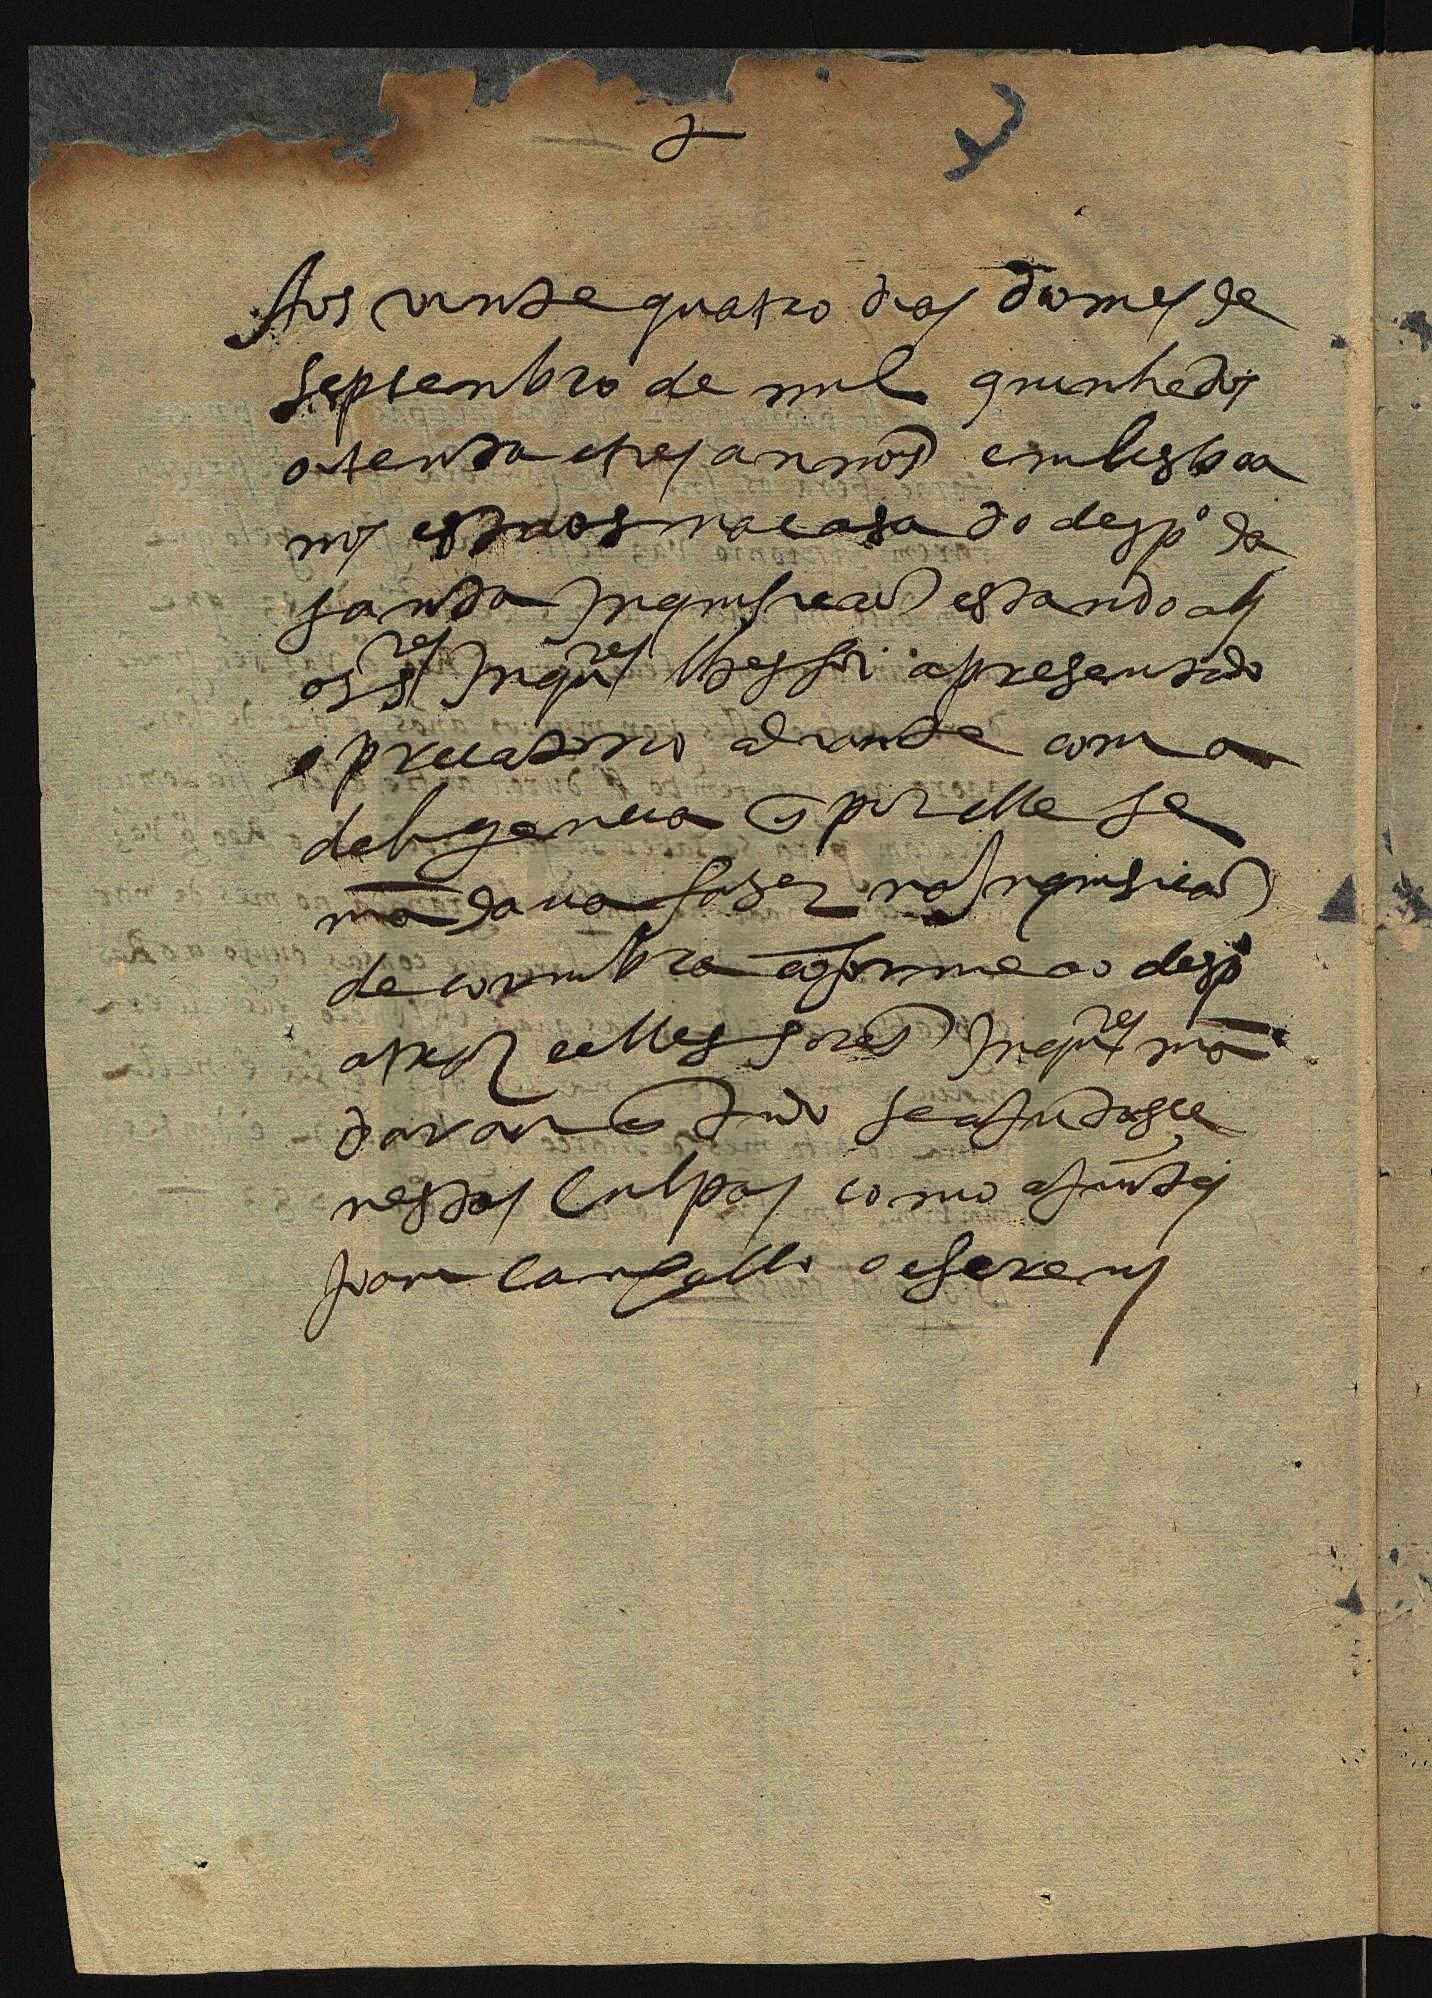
Aos vinte quatro dias do mes de
septenbro de mil quinhētos
oitenta e tres annos̄ em lisboa
nos estaos na casa do despo da
santa Jnquisicaõ estando ahj
os sres Jnqures lhes foi apresentado
o precatorio adiante com a
deligencia q̄ por elle se
mādaua fazer na Jnquisiçaõ
de coimbra cōforme ao despo
atraz e elles sores̄ Jnqures mā
daram q̄ tudo se aJūtasse
nestas Culpas como aJuntej
Joam canpello o escreuj
